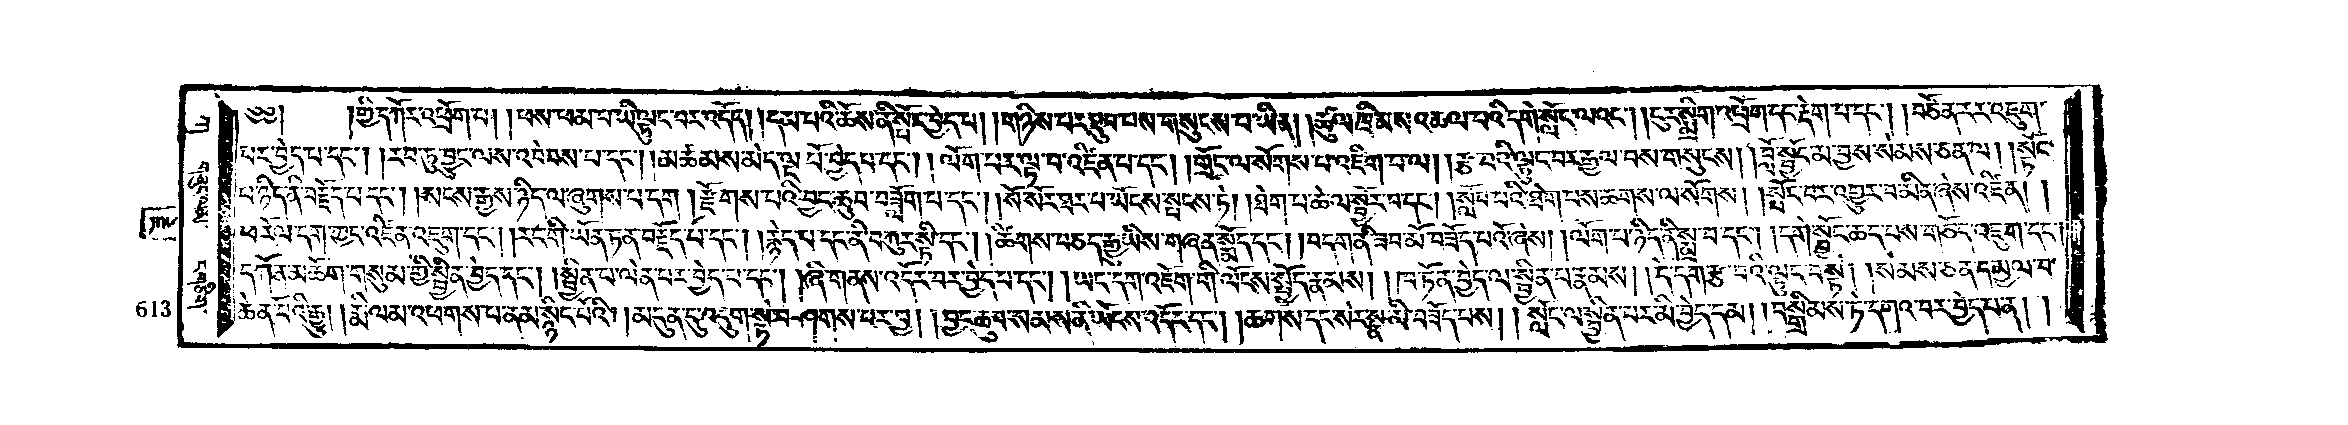༄༅། །གྱི་དཀོར་འཕྲོག་པ། །ཕས་ཕམ་པ་ཡི་ལྟུང་བར་འདོད། །དམ་པའི་ཆོས་ནི་སྤོང་བྱེད་པ། །གཉིས་པར་ཐུབ་པས་གསུངས་པ་ཡིན། །ཚུལ་ཁྲིམས་འཆལ་པའི་དགེ་སློང་ལའང་། །ངུར་སྨྲིག་འཕྲོག་དང་རྡེག་པ་དང་། །བཙོན་རར་འཇུག་
པར་བྱེད་པ་དང་། །རབ་ཏུ་བྱུང་ལས་འབེབས་པ་དང་། །མཚམས་མེད་ལྔ་པོ་བྱེད་པ་དང་། །ལོག་པར་ལྟ་བ་འཛིན་པ་དང་། །གྲོང་ལ་སོགས་པ་འཇིག་པ་ལ། །རྩ་བའི་ལྟུང་བར་རྒྱལ་བས་གསུངས། །བློ་སྦྱོང་མ་བྱས་སེམས་ཅན་ལ། །སྟོང་
པ་ཉིད་ནི་བརྗོད་པ་དང་། །སངས་རྒྱས་ཉིད་ལ་ཞུགས་པ་དང་།རྫོགས་པའི་བྱང་ཆུབ་བཟློག་པ་དང་། །སོ་སོར་ཐར་པ་ཡོངས་སྤངས་ཏེ། །ཐེག་པ་ཆེ་ལ་སྦྱོར་བ་དང་། །སློབ་པའི་ཐེག་པས་ཆགས་ལ་སོགས། །སྤོང་བར་འགྱུར་བ་མིན་ཞེས་འཛིན། །
ཕ་རོལ་དག་ཀྱང་འཛིན་འཇུག་དང་། །རང་གི་ཡོན་ཏན་བརྗོད་པ་དང་། །རྙེད་པ་དང་ནི་བཀུར་སྟི་དང་། །ཚིགས་བཅད་རྒྱུ་ཡིས་གཞན་སྨོད་དང་། །བདག་ནི་ཟབ་མོ་བཟོད་པའོ་ཞེས། །ལོག་པ་ཉིད་ནི་སྨྲ་བ་དང་། །དགེ་སྦྱོང་ཆད་པས་གཅོད་འཇུག་དང་།
དཀོན་མཆོག་གསུམ་གྱི་སྦྱིན་བྱེད་དང་། །སྦྱིན་པ་ལེན་པར་བྱེད་པ་དང་། །ཞི་གནས་འདོར་བར་བྱེད་པ་དང་། །ཡང་དག་འཇོག་གི་ལོངས་སྤྱོད་རྣམས། །ཁ་ཏོན་བྱེད་ལ་སྦྱིན་པ་རྣམས། །དེ་དག་རྩ་བའི་ལྟུང་བ་སྟེ། །སེམས་ཅན་དམྱལ་བ་
ཆེན་པོའི་རྒྱུ། །རྨི་ལམ་འཕགས་པ་ནམ་སྙིང་པོའི། །མདུན་དུ་འདུག་སྟེ་བཤགས་པར་བྱ། །བྱང་ཆུབ་སེམས་ནི་ཡོངས་འདོང་དང་། །ཆགས་དང་སེར་སྣ་མི་བཟོད་པས། །སློང་ལ་སྦྱིན་པར་མི་བྱེད་དམ། །བསྒྲིམས་ཏེ་དགའ་བར་བྱེད་པ་ན། །